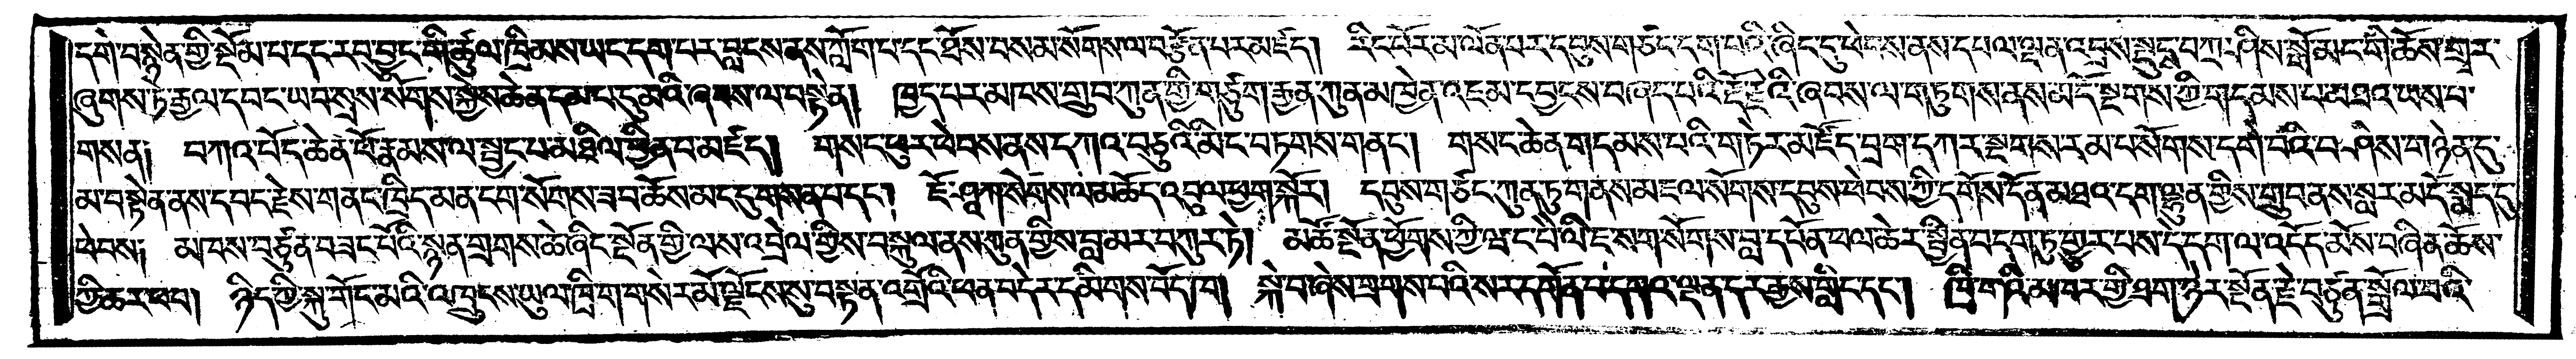དགེ་བསྙེན་གྱི་སྡོམ་པ་དང་རབ་བྱུང་གི་ཚུལ་ཁྲིམས་ཡང་དག་པར་བླངས་ནས་ཀློག་པ་དང་ཐོས་བསམ་སོགས་ལ་བརྩོན་པར་མཛད། རིང་པོར་མ་ལོན་པར་དབུས་གཙང་དག་པའི་ཞིང་དུ་ཕེབས་ནས་དཔལ་ལྡན་འབྲས་སྤུངས་བཀྲ་ཤིས་སྒོ་མང་གི་ཆོས་གྲྭར་
ཞུགས་ཏེ་རྒྱལ་དབང་ཡབ་སྲས་སོགས་སྐྱེས་ཆེན་དམ་པ་དུ་མའི་ཞབས་ལ་བསྟེན། ཁྱད་པར་མཁས་གྲུབ་ཀུན་གྱི་གཙུག་རྒྱན་ཀུན་མཁྱེན་འཇམ་དབྱངས་བཞད་པའི་རྡོ་རྗེའི་ཞབས་ལ་གཏུགས་ནས་མདོ་སྔགས་ཀྱི་གདམས་པ་མཐའ་ཡས་པ་
གསན༑ བཀའ་བོད་ཆེན་པོ་རྣམས་ལ་སྦྱང་པ་མཐིལ་ཕྱིན་བ་མཛད། གསང་ཕུར་ཕེབས་ནས་དཀའ་བཅུའི་མིང་བཏགས་གནང་། གསང་ཆེན་གདམས་པའི་གཏེར་མཛོད་བྲག་དཀར་སྔགས་རམ་པ་སོགས་དགེ་བའི་བཤེས་གཉེན་དུ་
མ་བསྟེན་ནས་དབང་རྗེས་གནང་ཁྲིད་མན་ངག་སོགས་ཟབ་ཆོས་མང་དུ་གསན་པ་དང་། ཇོ་ཤཱཀ་སོགས་ལ་མཆོད་འབུལ་ཕྱག་སྐོར། དབུས་གཙང་ཀུན་ཏུ་གནས་མཇལ་སོགས་དབུས་ཕེབས་ཀྱི་དགོས་དོན་མཐའ་དག་ལྷུན་གྱིས་གྲུབ་ནས་སླར་མདོ་སྨད་དུ་
ཕེབས༑ མཁས་བཙུན་བཟང་པོའི་སྙན་གྲགས་ཆེ་ཞིང་སྔོན་གྱི་ལས་འབྲེལ་གྱིས་བསྐུལ་ནས་ཀུན་གྱིས་བླ་མར་བཀུར་ཏེ། མཚོ་སྔོན་ཕྱོགས་ཀྱི་ཝ་ང་པེ་ལི་ཇ་སག་སོགས་བླ་དབོན་ཕལ་ཆེར་སྦྱིན་བདག་ཏུ་གྱུར་པས་དེ་དག་ལ་འདོད་མོས་བཞིན་ཆོས་
ཀྱི་ཆར་ཕབ། ཉིད་ཀྱི་སྐུ་གོང་མའི་འཁྲུངས་ཡུལ་ཁྲིག་གསེར་མོ་ལྗོངས་སུ་བསྟན་འགྲོའི་ཕན་བདེར་དམིགས་བོད་ཁ། སྐེ་བ་ཞེས་གྲགས་བའི་སར་དགོན་པ་དགའ་ལྡན་དར་རྒྱས་གླིང་དང་། ཁྲི་གའི་མཁར་གྱི་ཐག་ཉེར་སྔོན་རྗེ་བཙུན་སྒྲོལ་བའི་